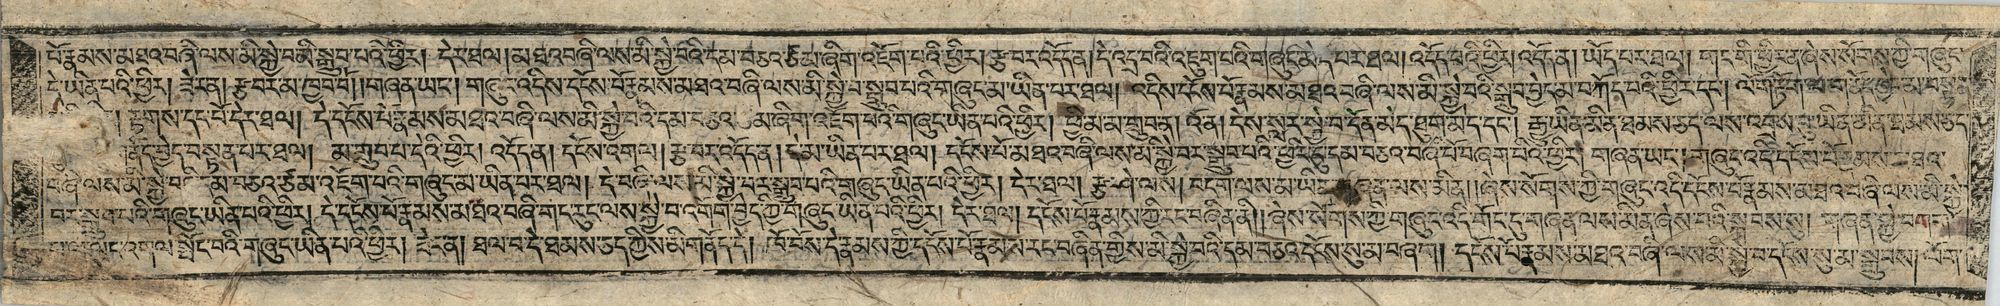པོ་རྣམས་མཐའ་བཞི་ལས་མི་སྐྱེ་བ་མི་སྒྲུབ་པའི་ཕྱིར། དེར་ཐལ། མཐའ་བཞི་ལས་མི་སྐྱེ་བའི་དམ་བཅའ་ཙམ་ཞིག་འཇོག་པའི་ཕྱིར། རྩ་བར་འདོད་ན། དེ་འདྲ་བའི་འཇུག་པའི་གཞུང་མེད་པར་ཐལ། འདོད་པའི་ཕྱིར། འདོད་ན། ཡོད་པར་ཐལ། གང་གི་ཕྱིར་ན་ཞེས་སོགས་ཀྱི་གཞུང་
དེ་ཡིན་པའི་ཕྱིར། ཟེར་ན། རྩ་བར་མ་ཁྱབ་བོ། །གཞན་ཡང་། གཞུང་འདིས་དངོས་པོ་རྣམས་མཐའ་བཞི་ལས་མི་སྐྱེ་བ་སྒྲུབ་པའི་གཞུང་མ་ཡིན་པར་ཐལ། འདིས་དངོས་པོ་རྣམས་མཐའ་བཞི་ལས་མི་སྐྱེ་བའི་སྒྲུབ་བྱེད་མ་བཀོད་པའི་ཕྱིར་དང་། ལོག་རྟོག་ལ་གནོད་བྱེད་མ་བསྟན་
པའི་ཕྱིར། རྟགས་དང་པོ་དེར་ཐལ། དེ་དངོས་པོ་རྣམས་མཐའ་བཞི་ལས་མི་སྐྱེ་བའི་དམ་བཅའ་ཙམ་ཞིག་འཇོག་པའི་གཞུང་ཡིན་པའི་ཕྱིར། ཕྱི་མ་མ་གྲུབ་ན། འོ་ན། དེས་སླར་སྐྱེ་བ་དོན་མེད་ཐུག་མེད་དང་། རྒྱུ་ཡིན་མིན་ཐམས་ཅད་ལས་འབྲས་བུ་ཡིན་མིན་ཐམས་ཅད་
སྐྱེ་བའི་གནོད་བྱེད་བསྟན་པར་ཐལ། མ་གྲུབ་པ་དེའི་ཕྱིར། འདོད་ན། དངོས་འགལ། རྩ་བར་འདོད་ན། དེ་མ་ཡིན་པར་ཐལ། དངོས་པོ་མཐའ་བཞི་ལས་མི་སྐྱེ་བར་སྒྲུབ་པའི་ཕྱིར་དུ་དམ་བཅའ་བཞི་པོ་བཞག་པའི་ཕྱིར། གཞན་ཡང་། གཞུང་འདི་དངོས་པོ་རྣམས་མཐའ་
བཞི་ལས་མི་སྐྱེ་བའི་དམ་བཅའ་ཙམ་འཇོག་པའི་གཞུང་མ་ཡིན་པར་ཐལ། དེ་བཞི་ལས་མི་སྐྱེ་བར་སྒྲུབ་པའི་གཞུང་ཡིན་པའི་ཕྱིར། དེར་ཐལ། རྩ་ཤེ་ལས། བདག་ལས་མ་ཡིན་གཞན་ལས་མིན། །ཞེས་སོགས་ཀྱི་གཞུང་འདི་དངོས་པོ་རྣམས་མཐའ་བཞི་ལས་མི་སྐྱེ་
བར་སྒྲུབ་པའི་གཞུང་ཡིན་པའི་ཕྱིར། དེ་དངོས་པོ་རྣམས་མཐའ་བཞི་གང་རུང་ལས་སྐྱེ་བ་འགོག་བྱེད་ཀྱི་གཞུང་ཡིན་པའི་ཕྱིར། དེར་ཐལ། དངོས་པོ་རྣམས་ཀྱི་རང་བཞིན་ནི། །ཞེས་སོགས་ཀྱི་གཞུང་འདི་གོང་དུ་གཞན་ལས་མིན་ཞེས་པའི་སྐབས་སུ། གཞན་སྐྱེ་བཀག་
པ་ལ་ལུང་འགལ་སྤོང་བའི་གཞུང་ཡིན་པའི་ཕྱིར། ཟེར་ན། ཐལ་བ་དེ་ཐམས་ཅད་ཀྱིས་མི་གནོད་དེ། ཁོ་བོས་དེ་རྣམས་ཀྱི་དངོས་པོ་རྣམས་རང་བཞིན་གྱིས་མི་སྐྱེ་བའི་དམ་བཅའ་དངོས་སུ་མ་བཞག །དངོས་པོ་རྣམས་མཐའ་བཞི་ལས་མི་སྐྱེ་བ་དངོས་སུ་མ་སྒྲུབས།ལོག་